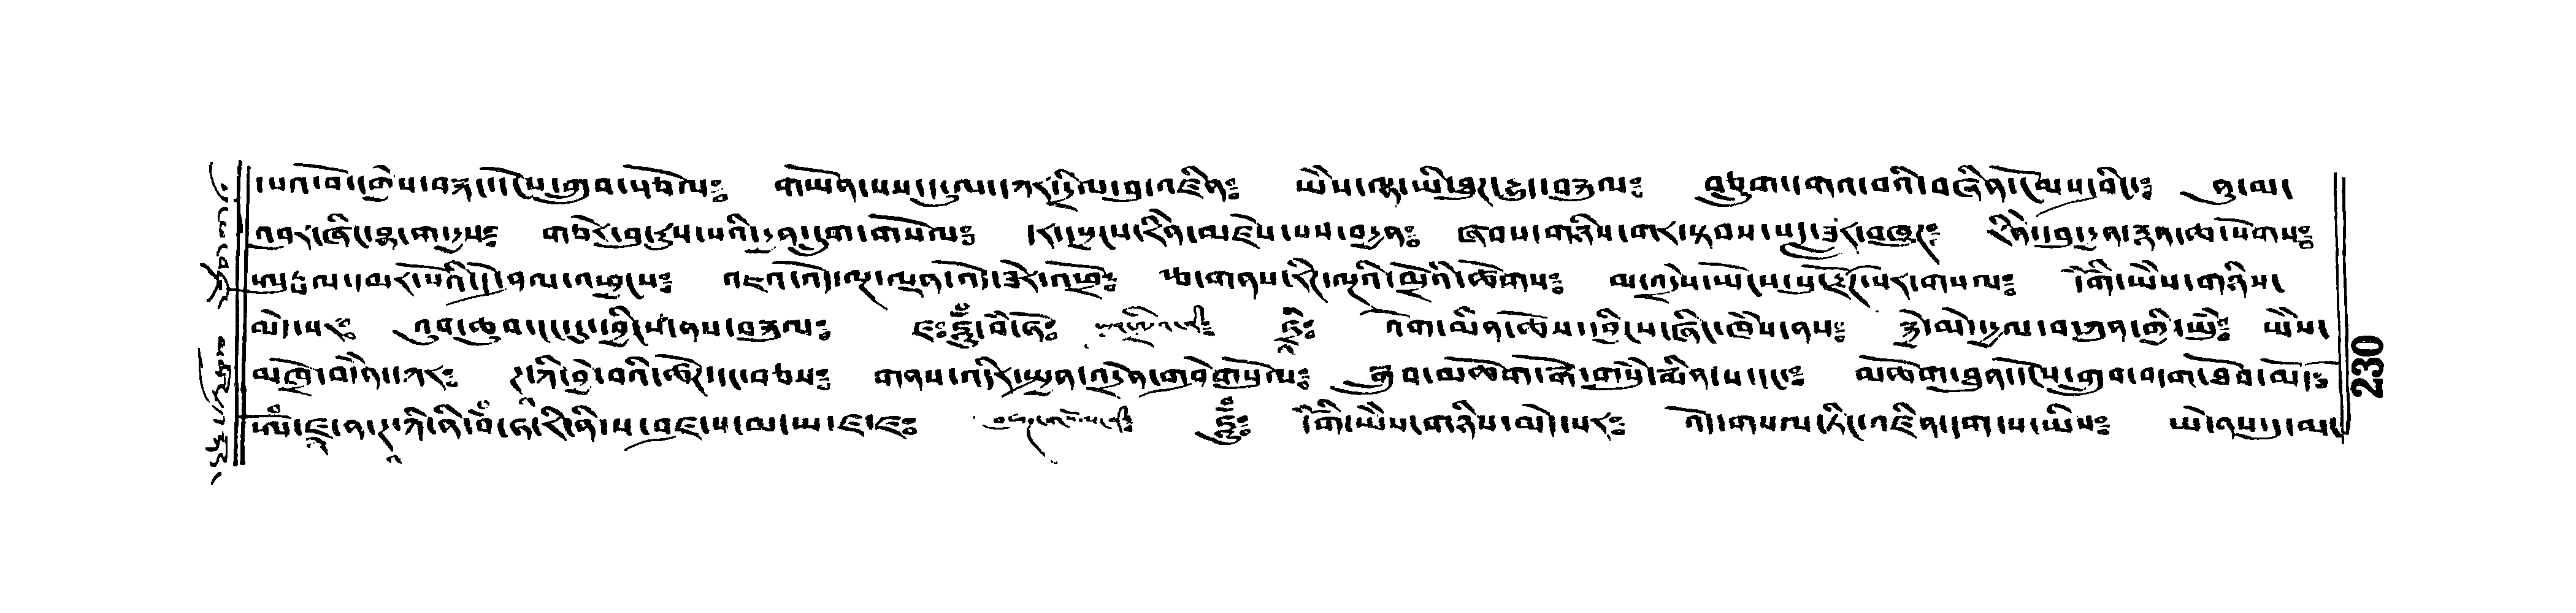དཔའ་བོ་དགྱེས་བསྐང་དངོས་གྲུབ་སྩོལ༔ གཡོན་པས་དངུལ་དཀར་དྲིལ་བུ་འཛིན༔ ཡེ་ཤེས་ལྷ་ཡི་ཐུགས་རྒྱུད་བསྐུལ༔ བཅུ་དྲུག་དགའ་བའི་བཞིན་ངོམས་ཤིང༔ནུ་མ་
འབུར་ཞིང་བྷ་ག་རྒྱས༔ གཅེར་བུ་རུས་པའི་རྒྱན་དྲུག་གསོལ༔ དར་དཔྱངས་རིན་ཆེན་མཛེས་པས་བརྒྱན༔ ཞབས་གཉིས་གར་སྟབས་པད་ཟླར་བཞུགས༔ རིན་ཆེན་དབུ་རྒྱན་སྙན་ཆ་སོགས༔ 
ཨུཏྤལ་དམར་པོའི་དོ་ཤལ་འཕྱངས༔ འཇའ་འོད་ལྔ་ལྡན་འོད་ཟེར་འཕྲོ༔ རྩ་གནས་རིགས་ལྔའི་མཁའ་འགྲོའི་ཚོགས༔ མ་འདྲེས་ཡོངས་སུ་རྫོགས་པར་གསལ༔ དམ་ཚིག་ཡེ་ཤེས་གཉིས་
མེད་པར༔ འུབ་ཆུབ་ངང་དུ་དབྱིངས་ནས་བསྐུལ༔ ཛཿཧཱུྃ་བྃ་ཧོཿ སྤྱན་འདྲེན་ནི༔ ཧྲཱིཿ འོག་མིན་ཆོས་དབྱིངས་ཞིང་ཁམས་ནས༔ སྐྱེ་མེད་རྒྱལ་བ་ཀུན་གྱི་ཡུམ༔ ཡེ་ཤེས་
མཁའ་འགྲོ་བདེ་ཆེན་དཀར༔ ཌཱ་ཀི་བྱེ་བའི་ཚོགས་དང་བཅས༔ གནས་འདིར་སྤྱན་འདྲེན་གཤེགས་སུ་གསོལ༔ སྒྲུབ་མཆོག་སྒོ་གསུམ་སྨིན་པ་དང༔ མཆོག་ཐུན་དངོས་གྲུབ་བདག་ཐོབ་མཛོད༔ 
ཨོཾ་ཛྙཱ་ན་ཌཱ་ཀི་ནི་བྃ་ཧ་རི་ནི་ས་བཛྲ་ས་མ་ཡ་ཛ་ཛཿ བཞུགས་གསོལ་ནི༔ ཧཱུྃ༔ དམ་ཚིག་ཡེ་ཤེས་གཉིས་མེད་པར༔ འོད་གསལ་ཏིང་འཛིན་དག་པ་ཡིས༔ ཡེ་ནས་དུ་མ་